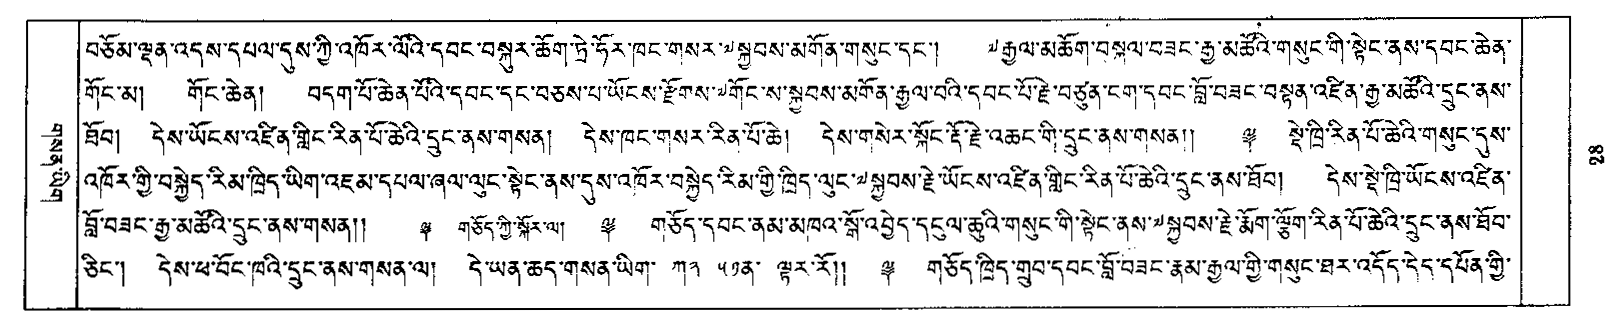བཅོམ་ལྡན་འདས་དཔལ་དུས་ཀྱི་འཁོར་ལོའི་དབང་བསྐུར་ཆོག་ཏྲེ་ཧོར་ཁང་གསར་༧་སྐྱབས་མགོན་གསུང་དང་། ༧་རྒྱལ་མཆོག་བསྐལ་བཟང་རྒྱ་མཚོའི་གསུང་གི་སྟེང་ནས་དབང་ཆེན་
གོང་མ། གོང་ཆེན། བདག་པོ་ཆེན་པོའི་དབང་དང་བཅས་པ་ཡོངས་རྫོགས་༧་གོང་ས་སྐྱབས་མགོན་རྒྱལ་བའི་དབང་པོ་རྗེ་བཙུན་ངག་དབང་བློ་བཟང་བསྟན་འཛིན་རྒྱ་མཚོའི་དྲུང་ནས་
ཐོབ། དེས་ཡོངས་འཛིན་གླིང་རིན་པོ་ཆེའི་དྲུང་ནས་གསན། དེས་ཁང་གསར་རིན་པོ་ཆེ། དེས་གསེར་སྐོང་རྡོ་རྗེ་འཆང་གི་དྲུང་ནས་གསན།། ༧་སྡེ་ཁྲི་རིན་པོ་ཆེའི་གསུང་དུས་
འཁོར་གྱི་བསྐྱེད་རིམ་ཁྲིད་ཡིག་འཇམ་དཔལ་ཞལ་ལུང་སྟེང་ནས་དུས་འཁོར་བསྐྱེད་རིམ་གྱི་ཁྲིད་ལུང་༧་སྐྱབས་རྗེ་ཡོངས་འཛིན་གླིང་རིན་པོ་ཆེའི་དྲུང་ནས་ཐོབ། དེས་སྡེ་ཁྲི་ཡོངས་འཛིན་
བློ་བཟང་རྒྱ་མཚོའི་དྲུང་ནས་གསན།། ༈ གཅོད་ཀྱི་སྐོར་ལ། ༈ གཅོད་དབང་ནམ་མཁའ་སྒོ་འབྱེད་དངུལ་ཆུའི་གསུང་གི་སྟེང་ནས་༧་སྐྱབས་རྗེ་རྨོག་ལྕོག་རིན་པོ་ཆེའི་དྲུང་ནས་ཐོབ་
ཅིང་། དེས་ཕ་བོང་ཁའི་དྲུང་ནས་གསན་ལ། དེ་ཡན་ཆད་གསན་ཡིག་ཀ ༢ ༥༡་ན་ལྟར་རོ།། ༈ གཅོད་ཁྲིད་གྲུབ་དབང་བློ་བཟང་རྣམ་རྒྱལ་གྱི་གསུང་ཐར་འདོད་དེད་དཔོན་གྱི་